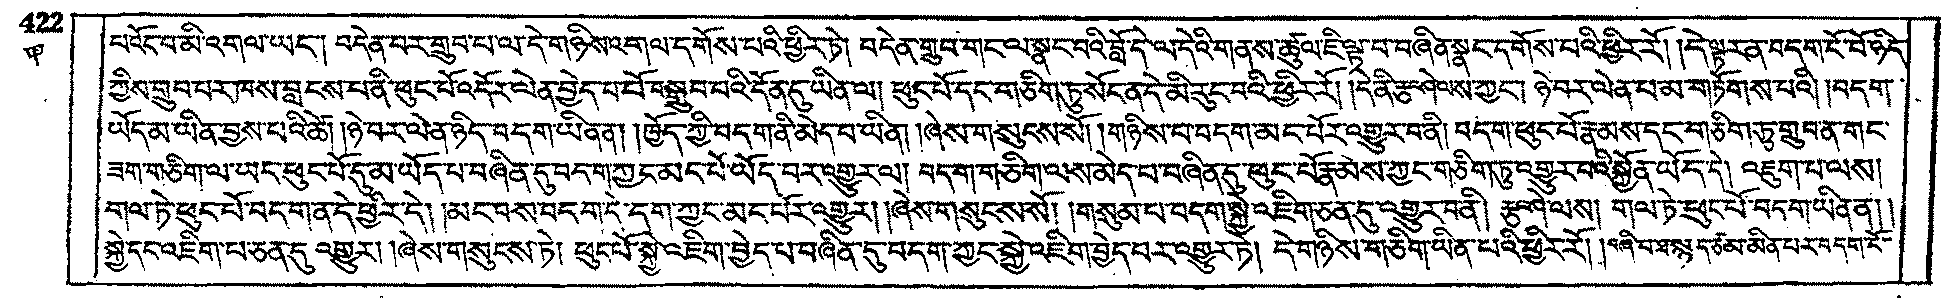པ་འོང་བ་མི་འགལ་ཡང་། བདེན་པར་གྲུབ་པ་ལ་དེ་གཉིས་འགལ་དགོས་པའི་ཕྱིར་ཏེ། བདེན་གྲུབ་གང་ལ་སྣང་བའི་བློ་དེ་ལ་དེའི་གནས་ཚུལ་ཇི་ལྟ་བ་བཞིན་སྣང་དགོས་པའི་ཕྱིར་རོ། །དེ་ལྟར་ན་བདག་ངོ་བོ་ཉིད་
ཀྱིས་གྲུབ་པར་ཁས་བླངས་པ་ནི་ཕུང་པོ་འདོར་ལེན་བྱེད་པ་པོ་བསྒྲུབ་པའི་དོན་དུ་ཡིན་ལ། ཕུང་པོ་དང་གཅིག་ཏུ་སོང་ན་དེ་མི་རུང་བའི་ཕྱིར་རོ། །དེ་ནི་རྩ་ཤེ་ལས་ཀྱང་། ཉེ་བར་ལེན་པ་མ་གཏོགས་པའི། །བདག་
ཡོད་མ་ཡིན་བྱས་པའི་ཚེ། །ཉེ་བར་ལེན་ཉིད་བདག་ཡིན་ན། །ཁྱོད་ཀྱི་བདག་ནི་མེད་པ་ཡིན། །ཞེས་གསུངས་སོ། །གཉིས་པ་བདག་མང་པོར་འགྱུར་བ་ནི། བདག་ཕུང་པོ་རྣམས་དང་གཅིག་ཏུ་གྲུབ་ན་གང་
ཟག་གཅིག་ལ་ཡང་ཕུང་པོ་དུ་མ་ཡོད་པ་བཞིན་དུ་བདག་ཀྱང་མང་པོ་ཡོད་པར་འགྱུར་ལ། བདག་གཅིག་ལས་མེད་པ་བཞིན་དུ་ཕུང་པོ་རྣམས་ཀྱང་གཅིག་ཏུ་འགྱུར་བའི་སྐྱོན་ཡོད་དེ། འཇུག་པ་ལས།
གལ་ཏེ་ཕུང་པོ་བདག་ན་དེ་ཕྱིར་དེ། །མང་བས་བདག་དེ་དག་ཀྱང་མང་པོར་འགྱུར། །ཞེས་གསུངས་སོ། །གསུམ་པ་བདག་སྐྱེ་འཇིག་ཅན་དུ་འགྱུར་བ་ནི། རྩ་ཤེ་ལས། གལ་ཏེ་ཕུང་པོ་བདག་ཡིན་ན། །
སྐྱེ་དང་འཇིག་པ་ཅན་དུ་འགྱུར། །ཞེས་གསུངས་ཏེ། ཕུང་པོ་སྐྱེ་འཇིག་བྱེད་པ་བཞིན་དུ་བདག་ཀྱང་སྐྱེ་འཇིག་བྱེད་པར་འགྱུར་ཏེ། དེ་གཉིས་གཅིག་ཡིན་པའི་ཕྱིར་རོ། །བཞི་པ་ཐ་སྙད་ཙམ་མིན་པར་བདག་ངོ་